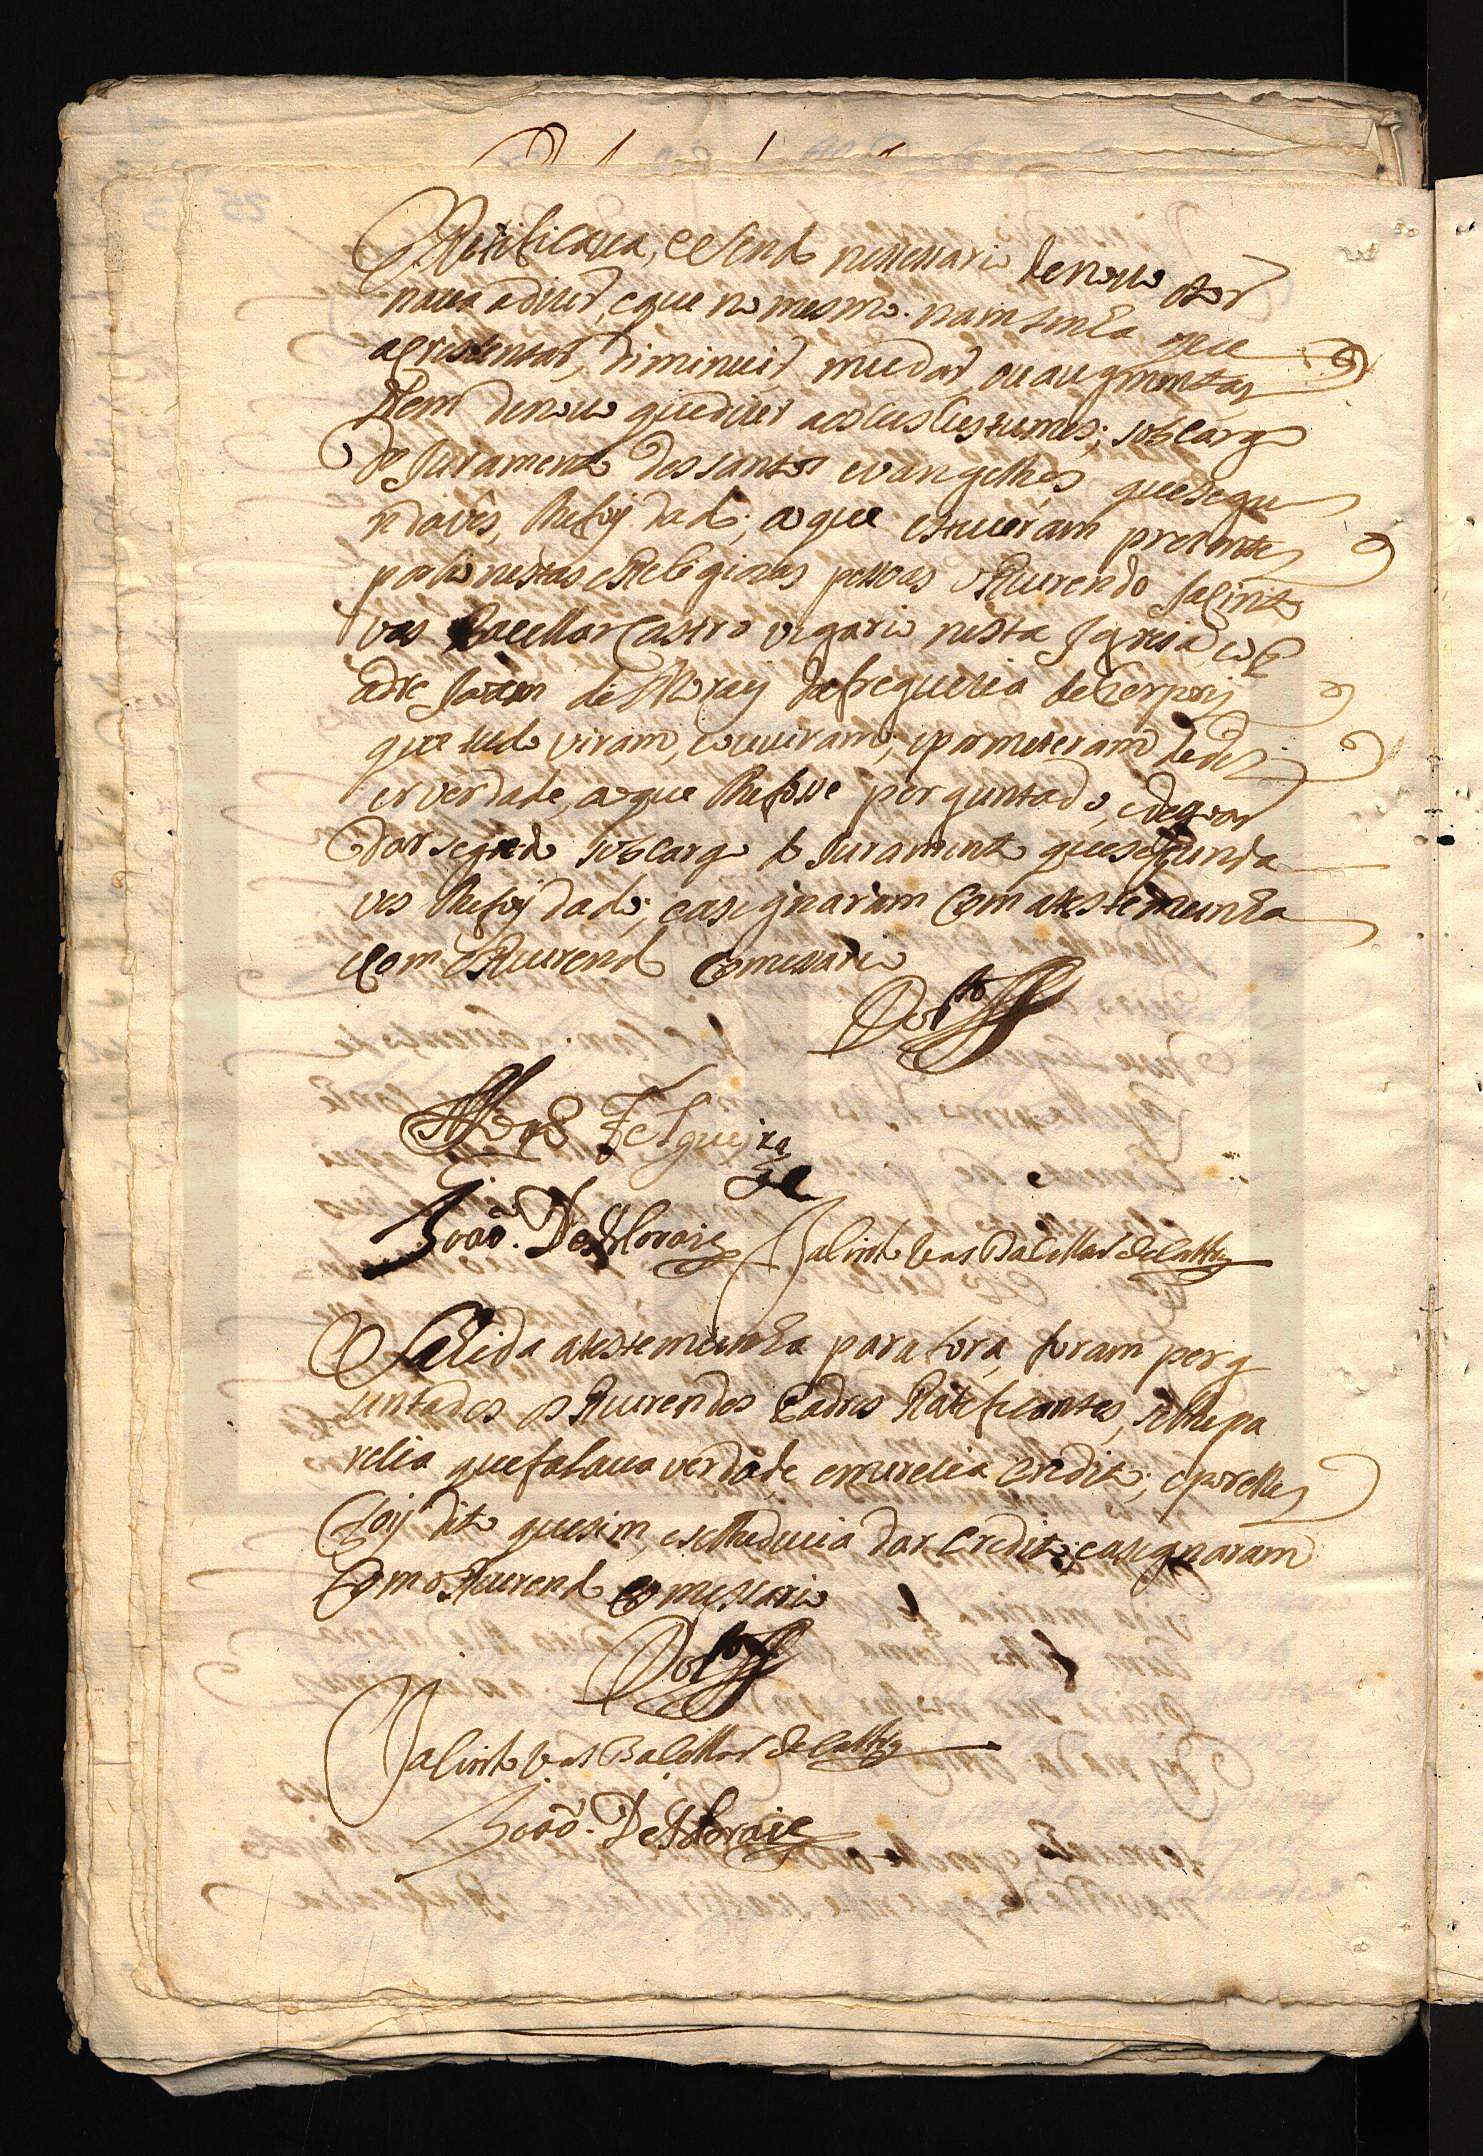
E Retificaua, e Sendo nessessario de nouo o tor
naua a dizer, e que no mesmo. nam tinha que
aCrescentar, diminuir, mudar, ou augmentar
Nem de nouo que dizer aos cus custumes; sob cargo
do Iuramento dos santos evangelhos que segu
nda vês, lhe foy dado; a que estiueram prezentes
por honestas e Religiozas pessoas o Reurendo JaCinto
vas Bacellar Castro vigario nesta Jgreia e o P
adre Joam de Moraes da freguezia de Terporiz
que tudo viram, e ouuiram, e pormeteram de diz
er verdade, ao que lhe fosse perguntado e de goar
dar segredo sob cargo do Iuramento que segunda
ves lhe foy dado; e asignaram Com a testemunha
e Com o Reurendo Comessario
Do s.to
Joaõ Felguejra
Joaõ De Morais
JaCinto vas Bacellar de Castro
Sahida a testemunha para fora, foram perg
untados os Reurendos Padres Ratificantes se lhe pa
recia que falaua verdade e merecia credito; e por elles
foy dito que sim, e se lhe deuia dar credito, e asignaram
Com o Reurendo comessario
Do sto
JaCinto Vas Bacellar de Castro
Joaõ De Morais
